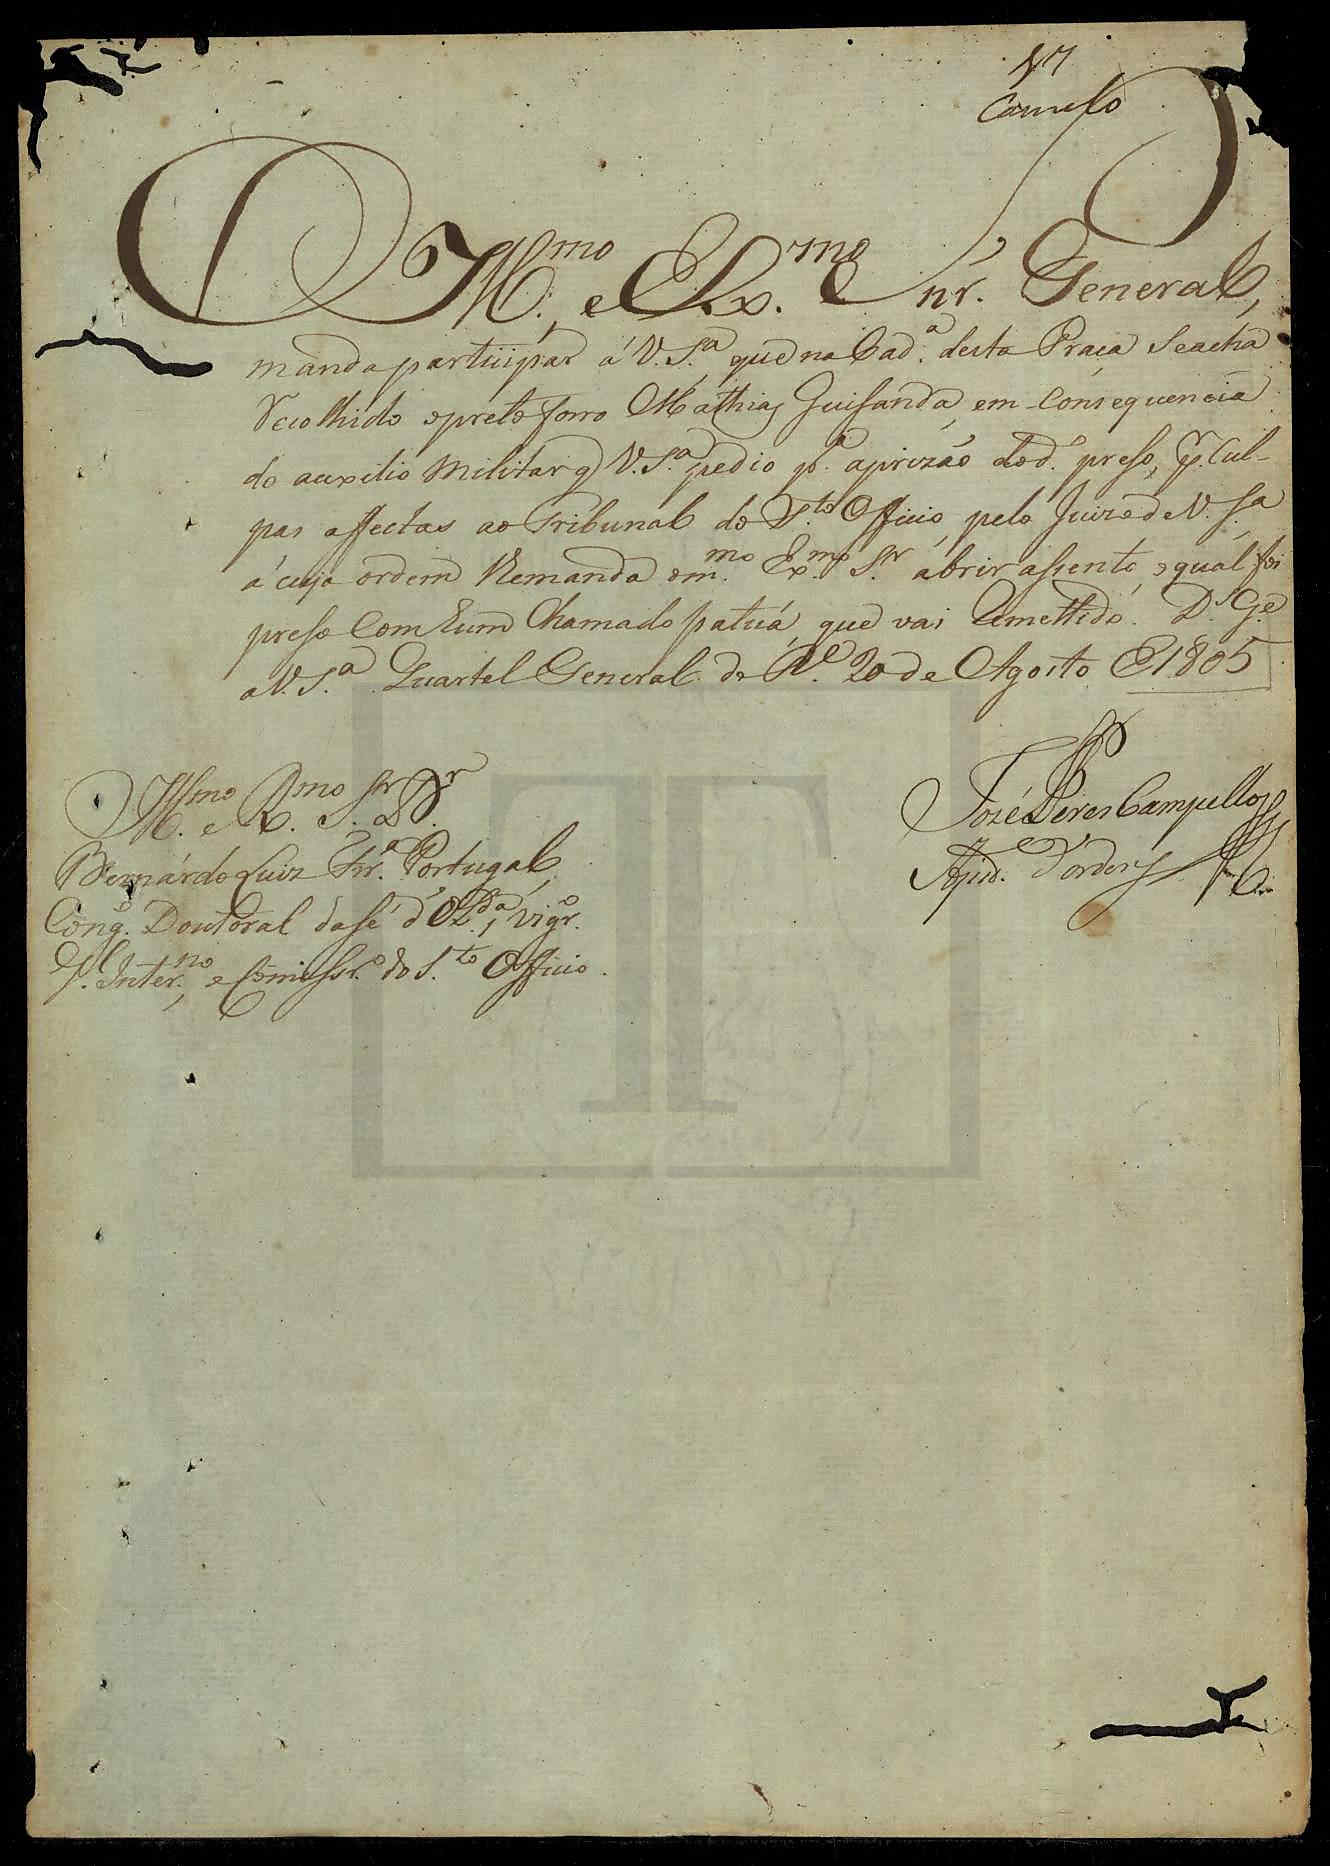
17
Camelo
O Ill.mo e Ex.mo Snr̄. General,
manda participar á V. S.a que na Cad.a desta Praça se acha
Recolhido o preto forro Mathias Guisanda, em consequencia
do auxilio militar q̄ V. S.a pedio p.a a prizaõ do d.o preso, p.r Cul
pas affectas ao Tribunal do S.to Officio, pelo Juizo de V. S.a
á cuja ordem lhe manda o m.mo Ex.mo S.r abrir assento, o qual foi
preso com hum chamado patuá, que vai Remettido. D.s G.e
a V. S.a Quartel General de R.e 20 de Agosto d̄ 1805
Ill.mo e R.mo S.r D.r
Bernardo Luiz Frr.a Portugal,
Cong.o Doutoral da fé d'OL.da, vigr.o
G.l Inter.no, e Comissr.o do S.to Officio.
